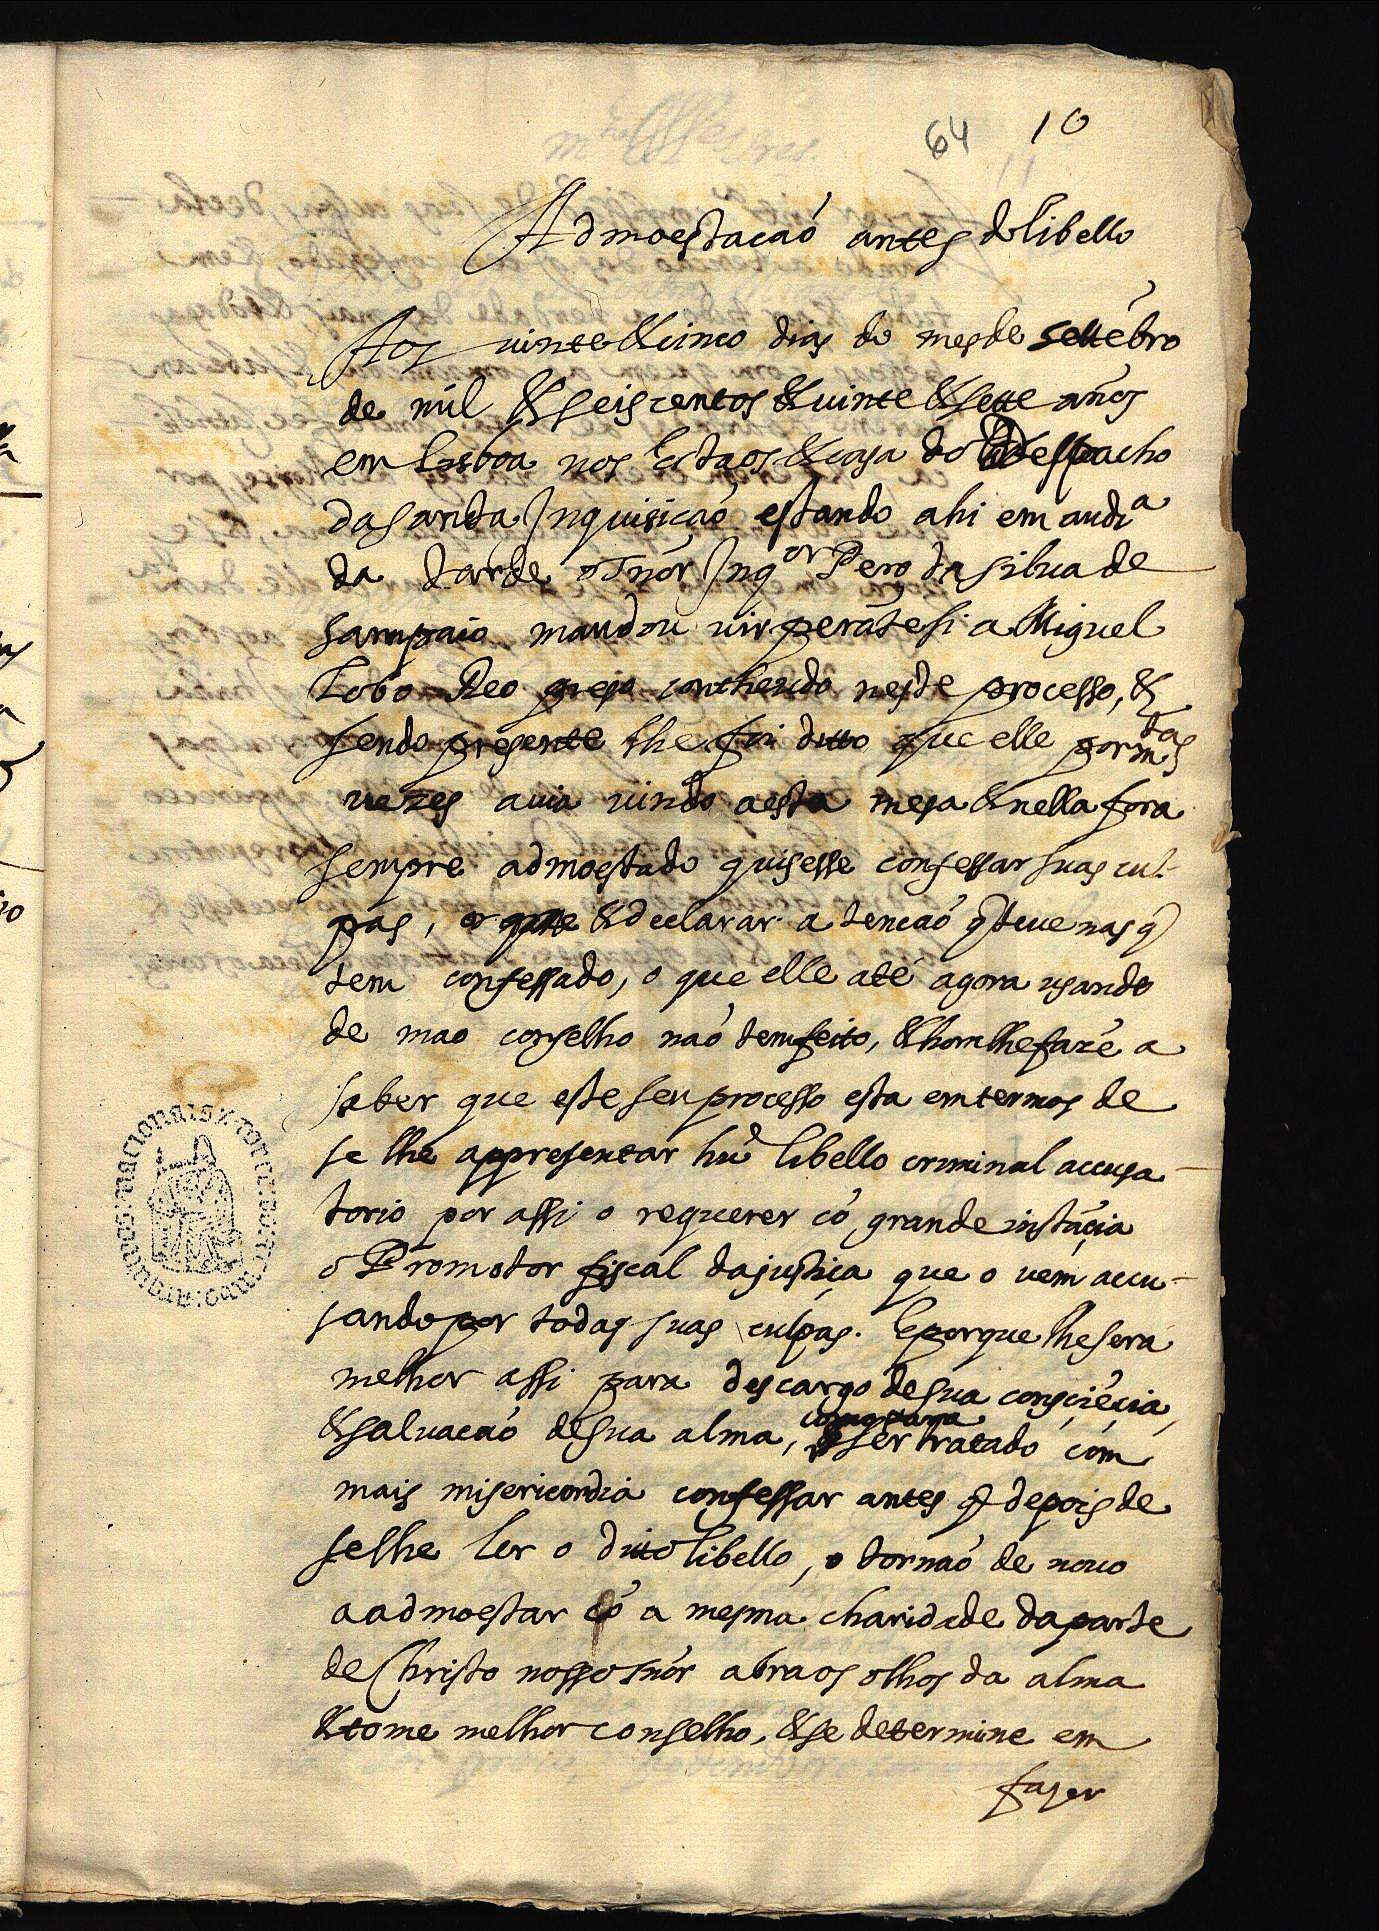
Admoestacaõ antes do libello
Aos uinte & cinco dias do mes de settēbro
de mil & seiscentos & uinte & sette an̄os
em Lisboa nos Estaos & casa do Despacho
da sancta Jnquisiçaõ estando ahi em audia
da tarde o snor̄ Jnqor Pero da silua de
sampaio mandou uir perāte si a Miguel
Lobo Reo preso contheudo neste processo, &
sendo presente lhe foi ditto que elle por m.tas
uezes auia uindo a esta mesa & nella fora
sempre admoestado quisesse confessar suas cul
pas, o que & declarar a tençaõ q̄ teue nas q̄
tem confessado, o que elle até agora usando
de mao conselho naõ tem feito, & hora lhe fazē a
saber que este seu processo esta em termos de
se lhe appresentar hū libello criminal accusa
torio por assi o requerer cō grade instācia
o Promotor fiscal da justiça que o uem accu
sando por todas suas culpas. E porque lhe sera
melhor assi para descargo de sua consciēcia,
& saluacaõ de sua alma
como para
ser tratado com
mais misericordia confessar antes q̄ depois de
se lhe ler o ditto libello, o tornaõ de nouo
a admoestar cō a mesma charidade da parte
de Christo nosso snōr abra os olhos da alma
& tome melhor conselho, & se determine em
fazer
